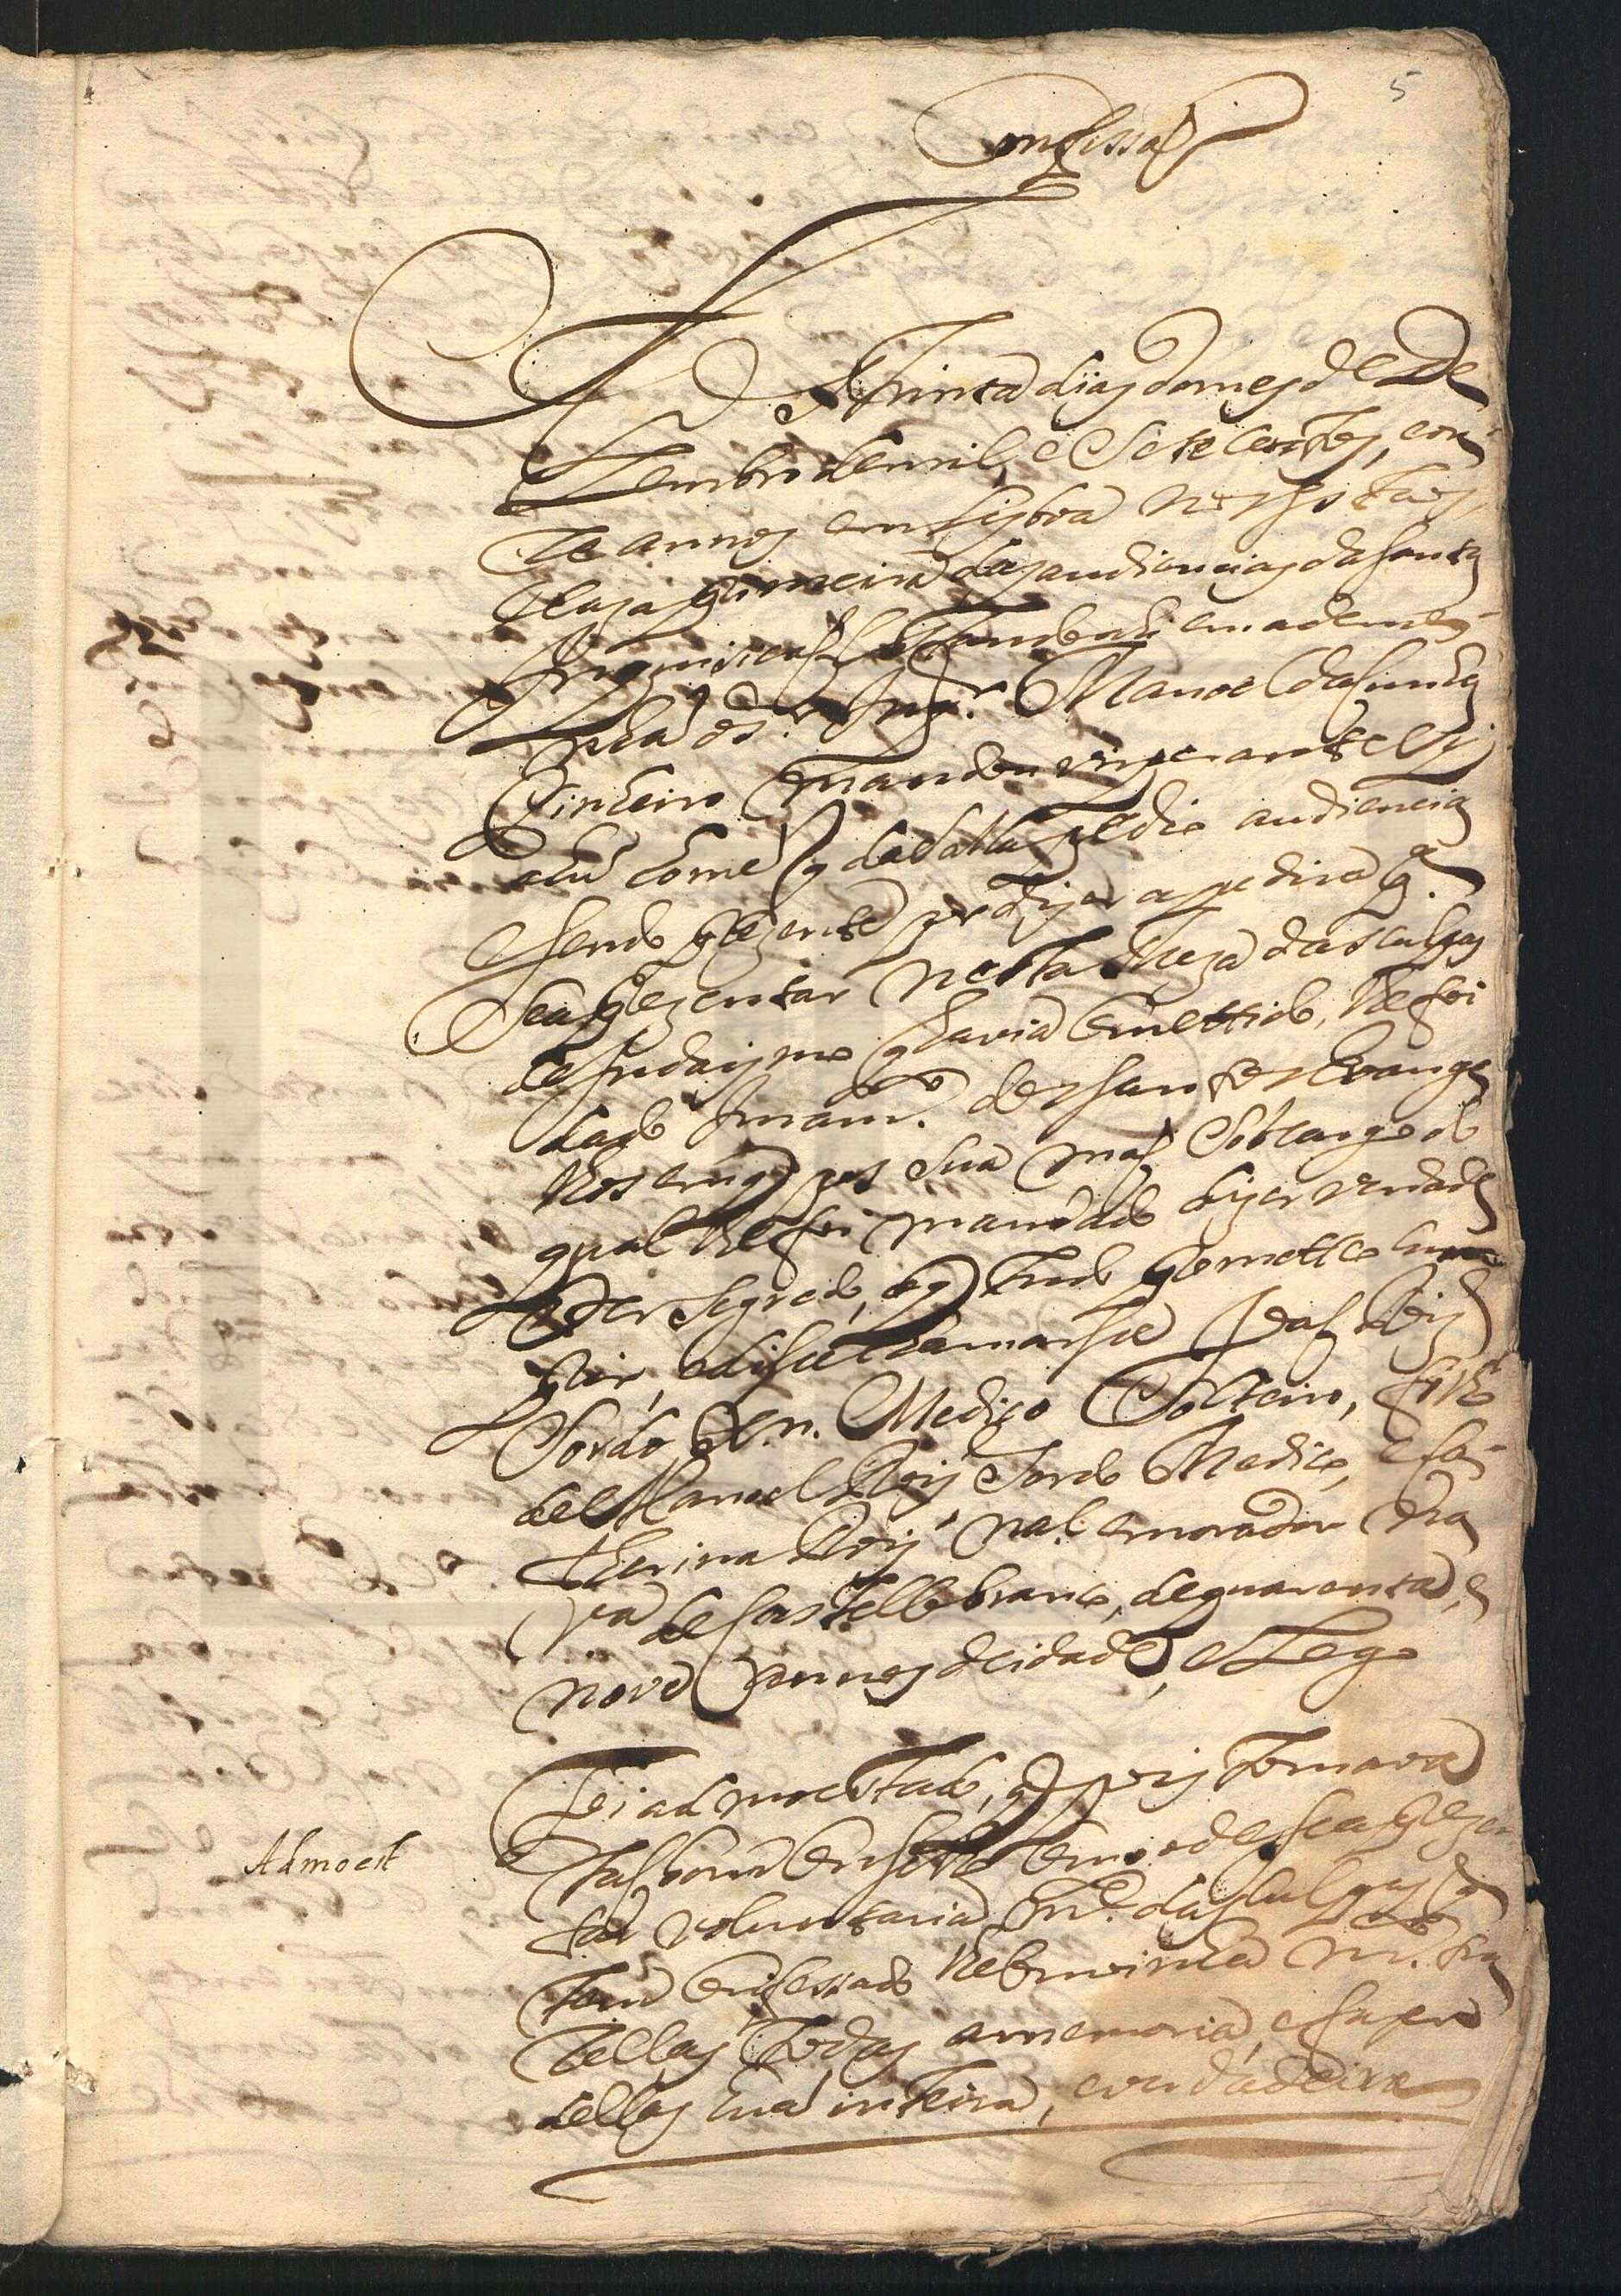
Admoest
Confissaõ
Aos trinta dias do mes de De
Zembro de mil, e Setecentos, e on
Ze annos em lisboa nos estaos,
e caza primeira das audiencias da santa
Jnquisiçaõ Estando ahi em a de me
nhã o s.or Inq.or. Manoel da Cunha
Pinheiro mandou vir perante sy
a hū homē q̄ da Salla pedio audiencia
E sendo prezente por dizer a pedira p̄.a
se aprezentar nesta Meza das culpas
de Judaismo q̄ havia Comettido, lhe foi
dado Iuram.to dos santos Evange
lhos em q̄ pos sua maõ Sob cargo do
qual lhe foi mandado dizer verdade
E ter segredo, o q̄ tudo prometteo cum
prir, e disse chamarsse Joaõ Roiz̄
Sordo X. n. Medico solteiro, filho
de Manoel Roiz̄ Sordo Medico, e Ca
therina Roiz̄ na.l e morador na
V.a de Castello branco, de quarenta, e
nove annos de idade, e Logo
Foi admoestado, q̄ pois tomava
taõ bom Conselho Como o de se aprezen
tar voluntariam.te das culpas q̄
tem Confessado lhe convinha m.to tra
Zellas todas a memoria, e fazer
dellas huā inteira, e verdadeira
